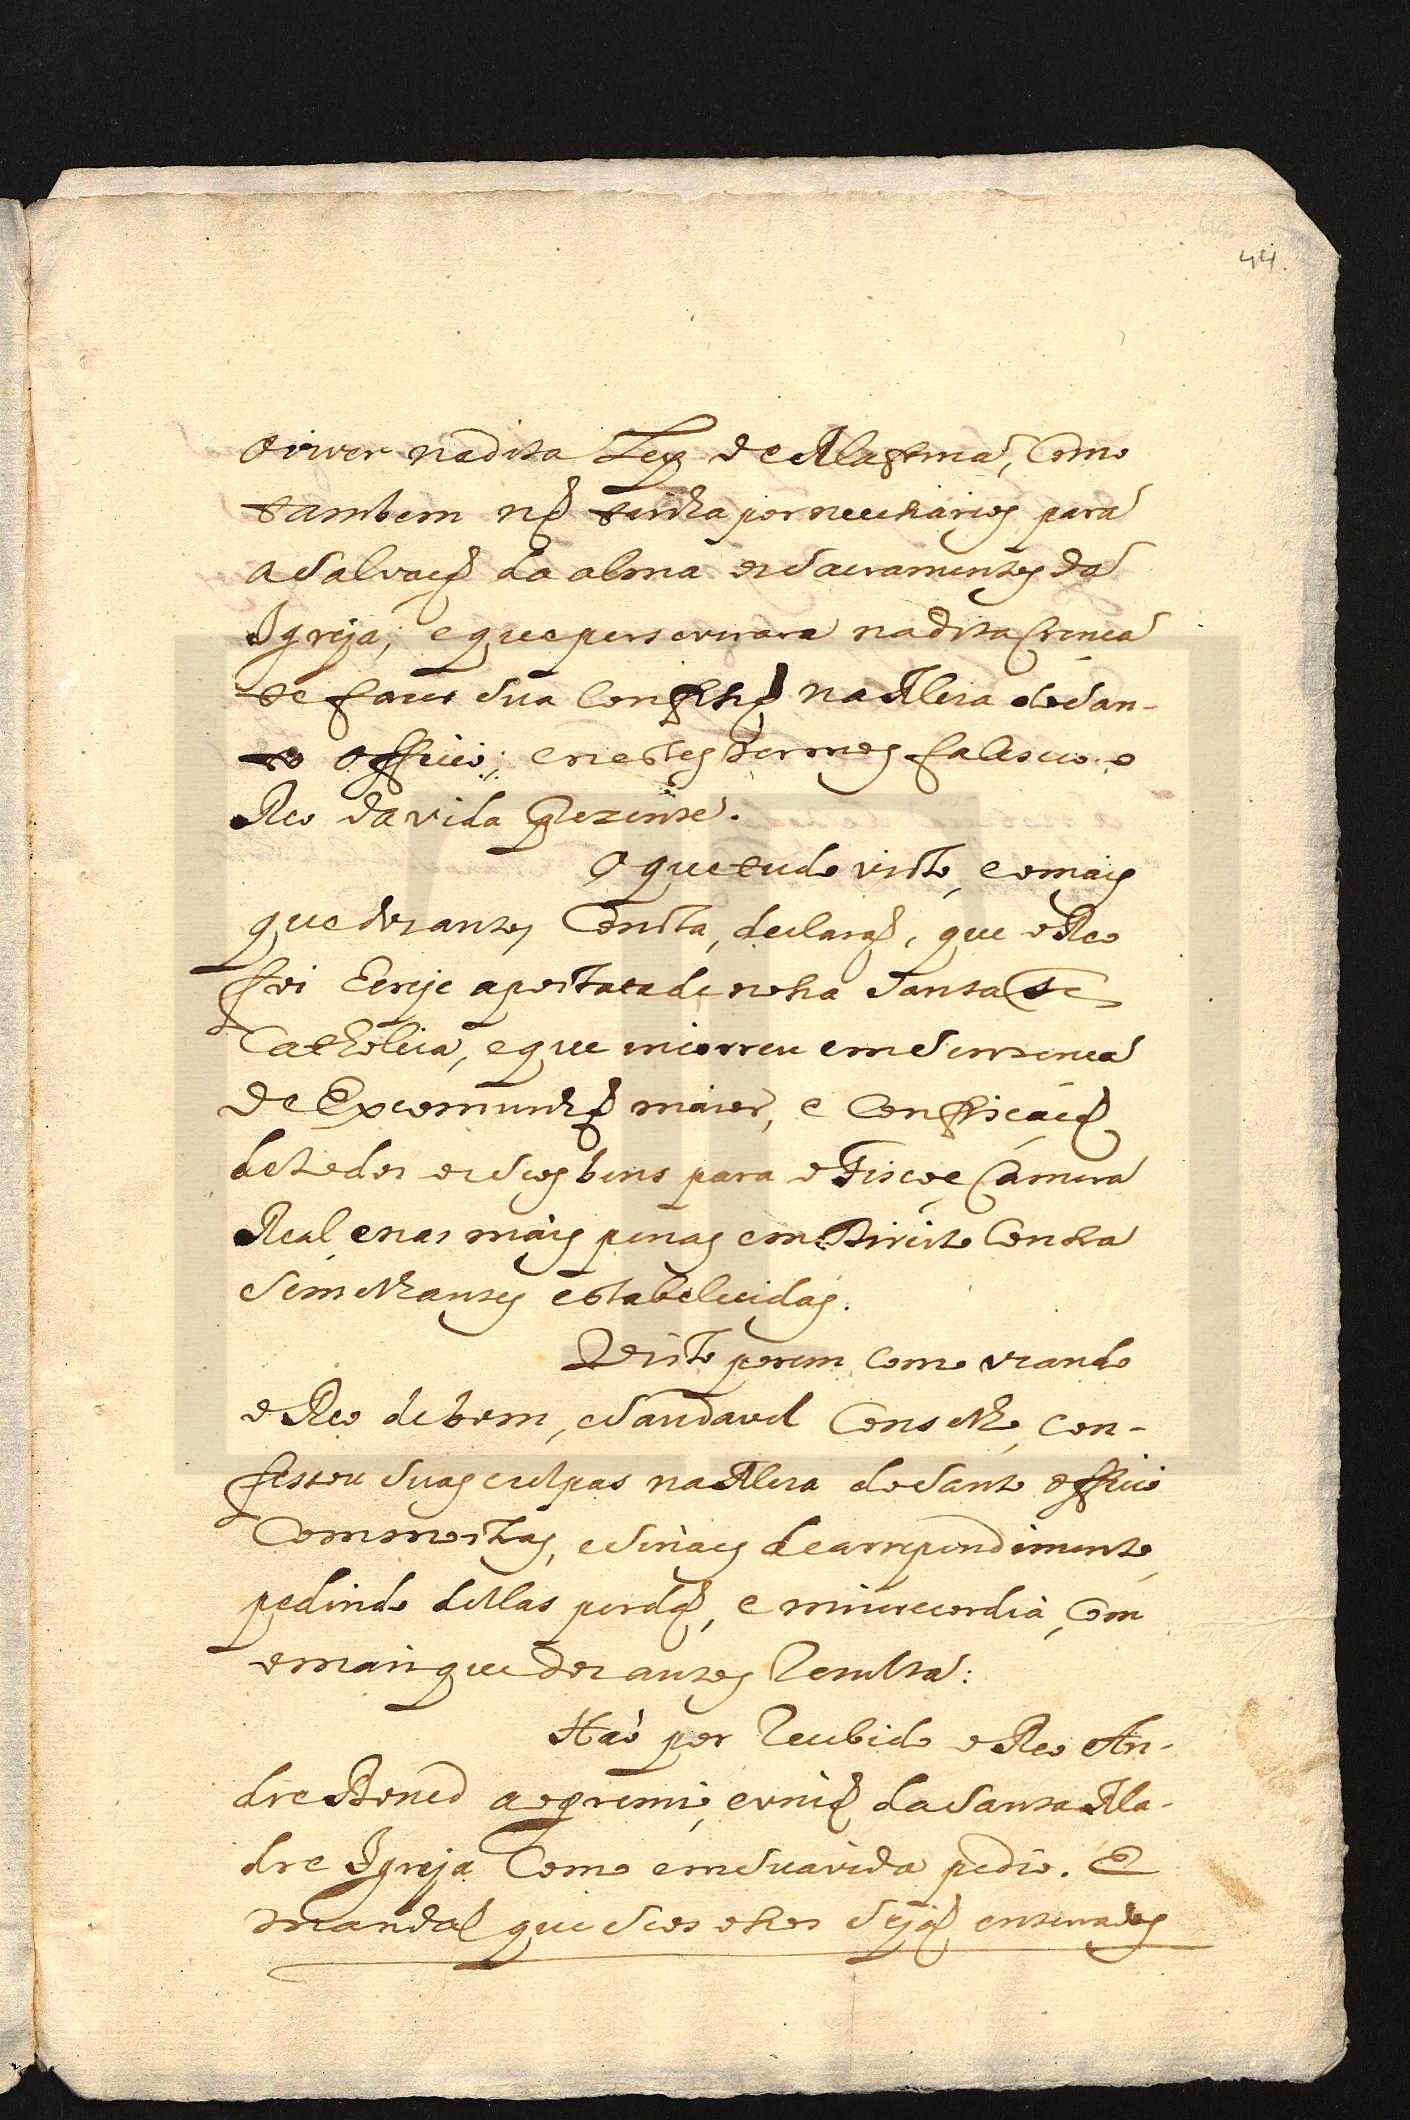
O viver na dita Ley de Mafoma, Como
tambem naõ tinha por necessarios para
a salvaçaõ da alma os sacramentos da
Igreja, e que perseverara na dita Crença
te fazer sua confissaõ na Meza do san
to officio; e nestes termos falesceo o
Reo da vida pRezente.
O que tudo visto, e o mais
que dos autos Consta, declaraõ, que o Reo
foi hereje apostata de nossa Santa Fe
Catholica, e que incorreu em sentença
de Excomunhaõ maior, e Confiscaçaõ
de todos os seos bens para o Fisco, e Camera
Real, e nas mais penas em Direito Contra
semelhantes estabelecidas.
Visto porem como vzando
o Reo de bom, e Saudavel Conselho, con
fessou suas culpas na Meza do Santo officio
Com mostras, e sinaes de arrependimento,
pedindo dellas perdaõ, e mizericordia, com
o mais que dos autos Resulta:
Haõ por Recebido o Reo An
dre Boned ao gremio, e vniaõ da Santa Ma
dre Igreja Como em sua vida pedio. E
mandaõ que seos ossos sejaõ enterrados
